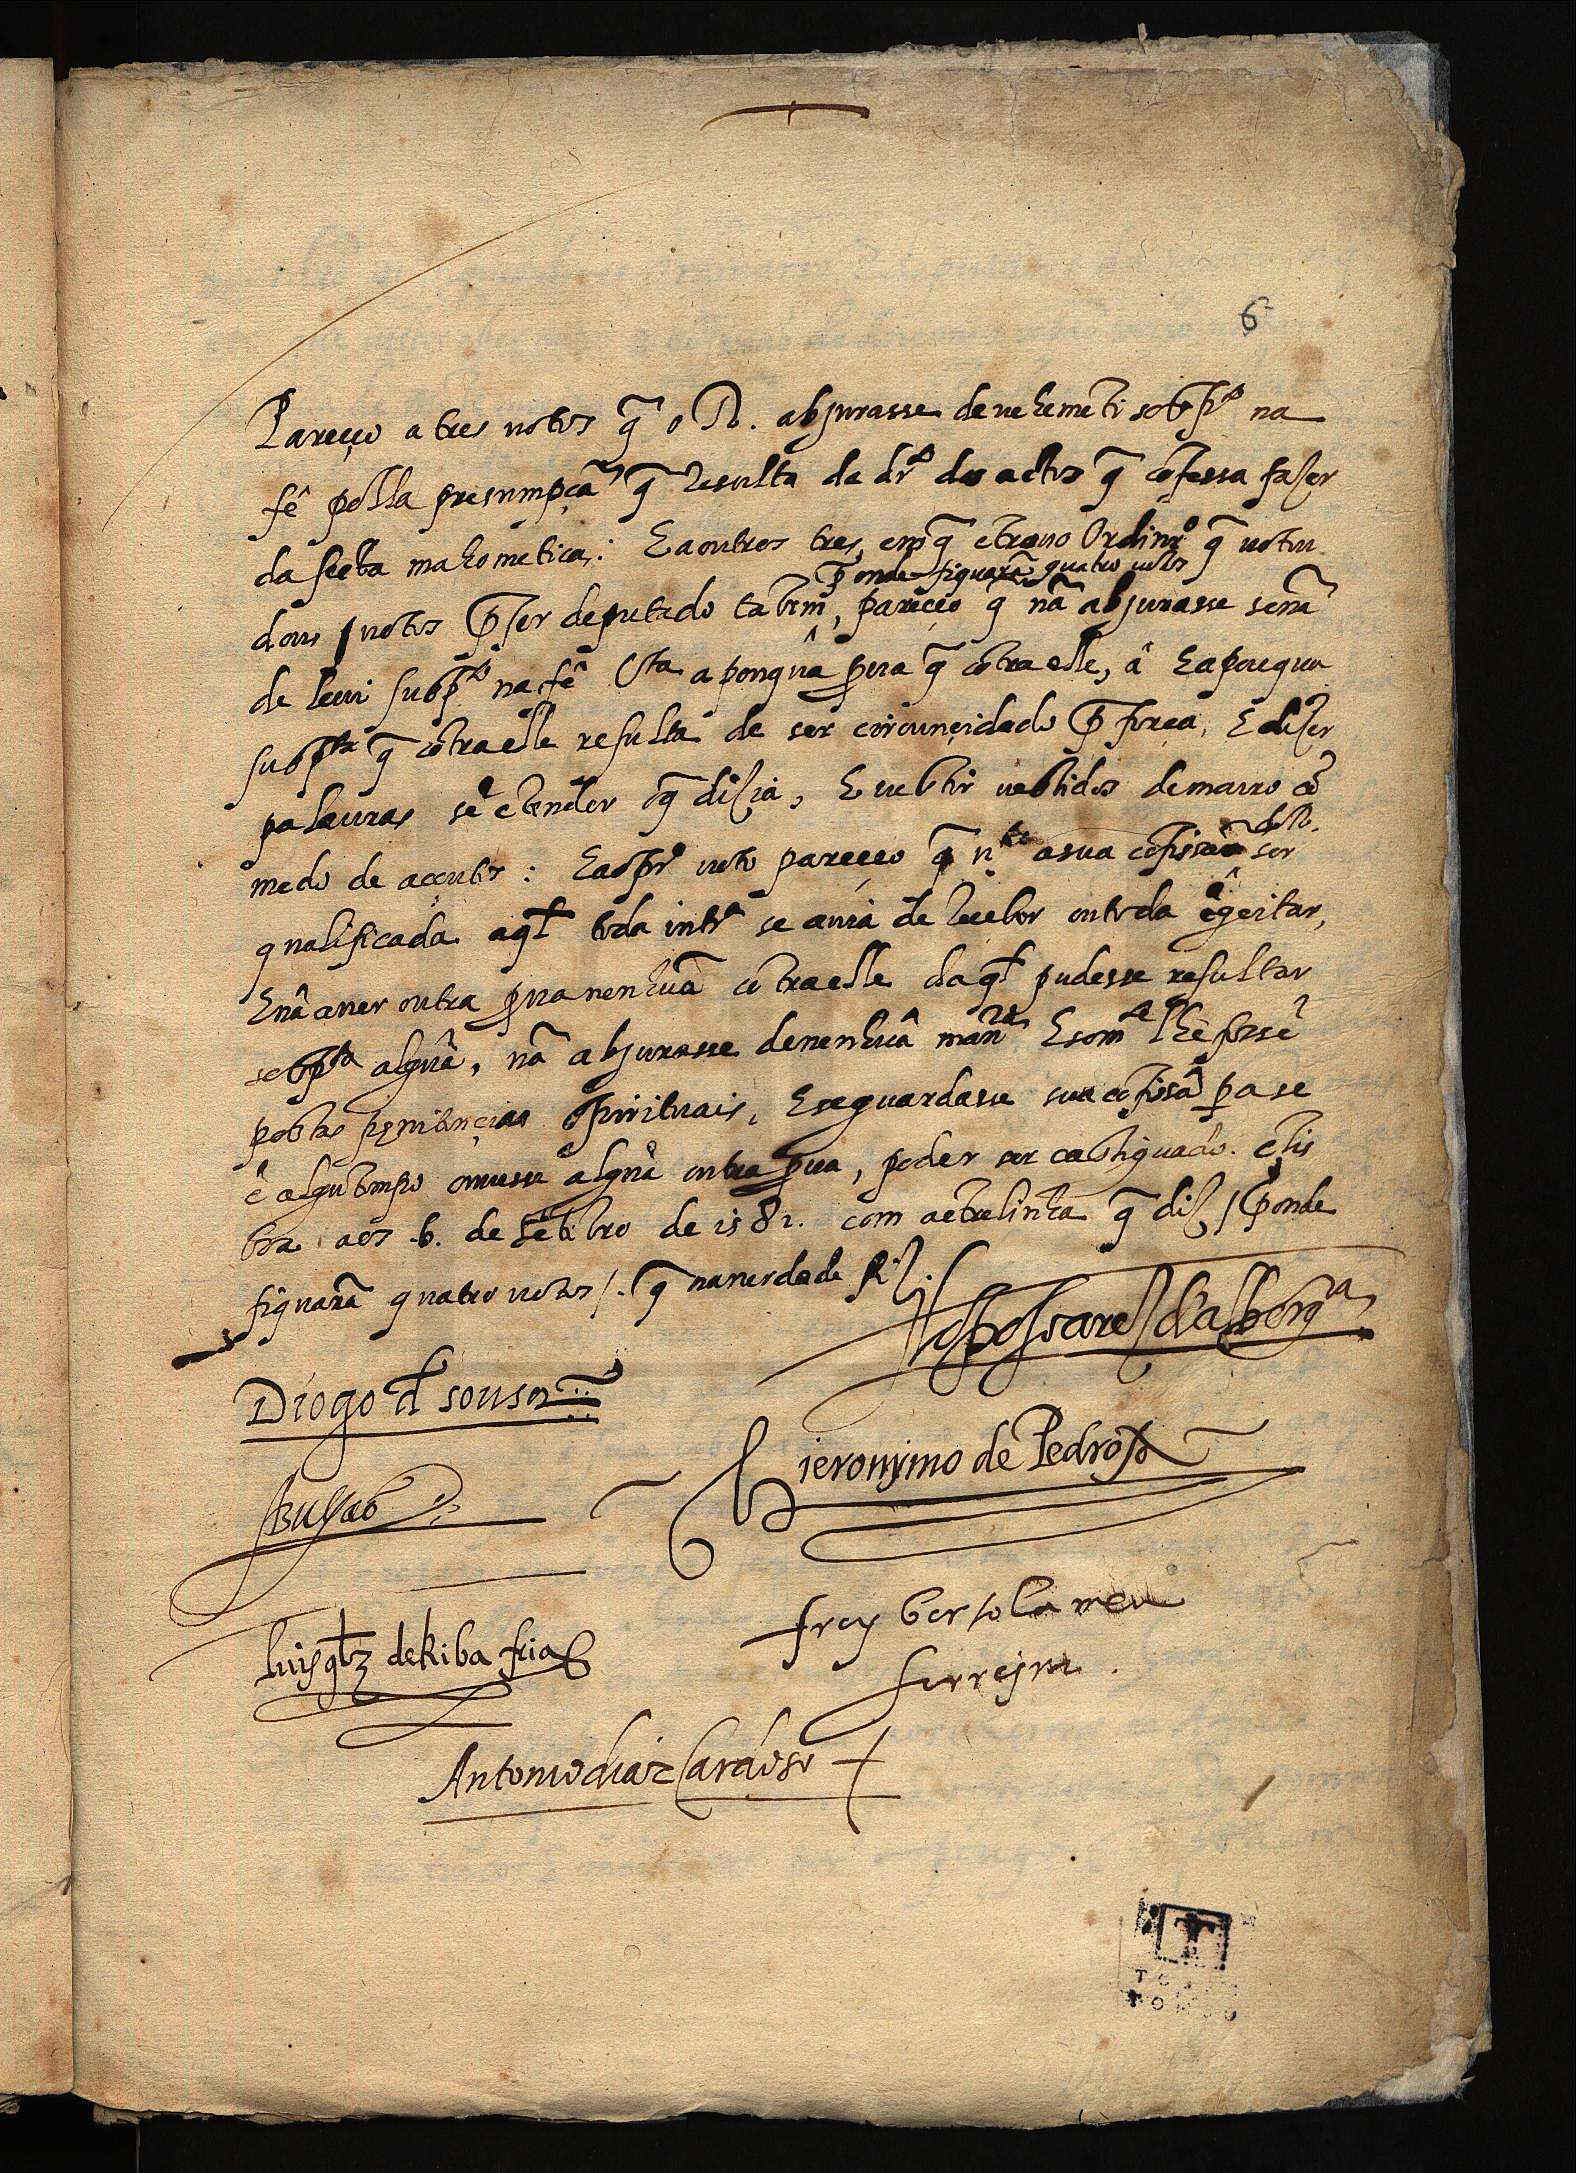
Pareçeo a tres uotos q̄ o R. abjurasse de uehemēti sospto na
fê pella presumpçā q̄ resulta de drto dos actos q̄ cōfessa fazer
da secta mahometica: E a outros tres, em q̄ ētrou o Ordinro q̄ uotou
dous _ uotos p̄ ser deputado tābem,
p̄ onde fiquarão quatro uotos
pareçeo q̄ nā abjurasse senā
de leui suspto na fê Vta a pouqua ꝓua q̄ cōtra elle, â E a pouqua
suspta q̄ cōtra elle resulta de ser circunçidado p̄ força, E dizer
palauras sē ētender o q̄ dizia, E uestir uestidos de mouro cō
medo de açoutes: E ao pro uoto pareçeo q̄ uta a sua cōfissaõ
do R.
ser
qualificada a ql̄ toda intra se auia de Receber ou toda ēgeitar,
E nā auer outra ꝓua nenhuā cōtra elle da q̄l pudesse resultar
sospta alguā, nā abjurasse de nenhuā manra E somte lhe fossē
postas penitençias spirituais, E se guardasse sua cōfissā ꝑa se
ē algū tempo ouuesse alguā outra ꝓua, poder ser castiguado. ē lis
boa aos .6. de setēbro de i581. com a ētrelinha q̄ diz / p̄ onde
fiquarā quatro uotos /. q̄ na uerdade fiz.
